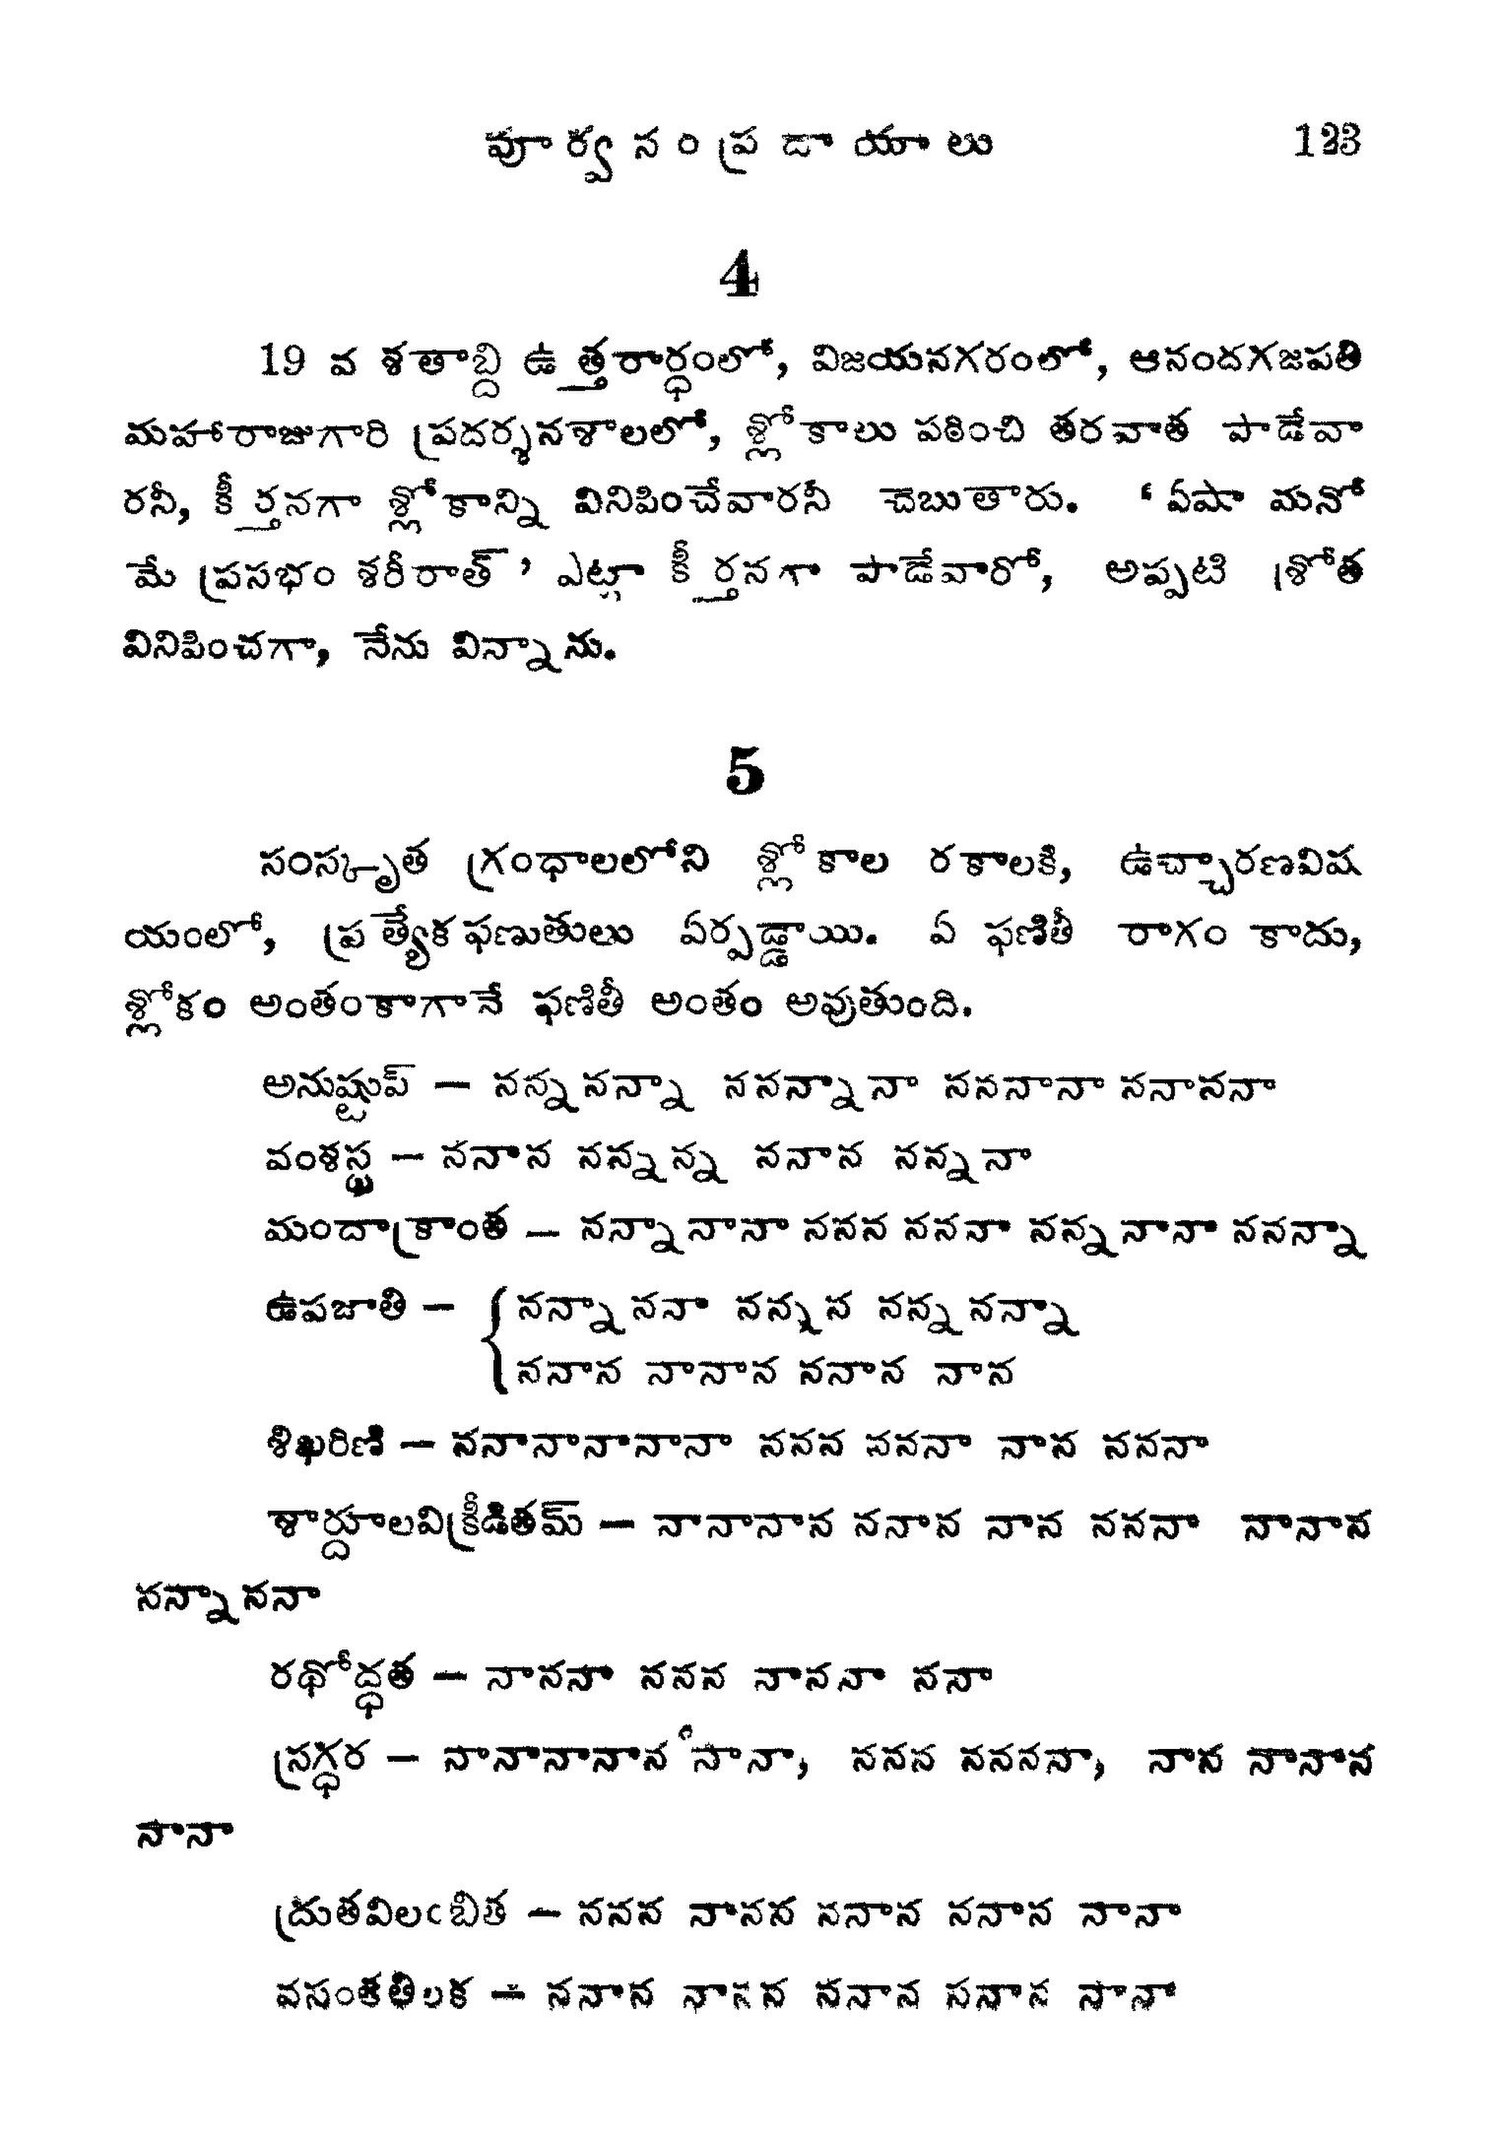4

19 వ శతాబ్ది ఉత్తరార్ధంలో, విజయనగరంలో, ఆనందగజపతి
మహారాజుగారి ప్రదర్శనశాలలో, శ్లోకాలు పఠించి తరవాత పాడేవా
రనీ, కీర్తనగా శ్లోకాన్ని వినిపించేవారనీ చెబుతారు. " ఏషా మనో
మే ప్రసభం శరీరాత్ ' ఎట్లా కీర్తనగా పాడేవారో, అప్పటి శ్రోత
వినిపించగా, నేను విన్నాను.

5

సంస్కృత గ్రంధాలలోని శ్లోకాల రకాలకి, ఉచ్చారణవిష
యంలో, ప్రత్యేక ఫణుతులు ఏర్పడ్డాయి. ఏ ఫణితీ రాగం కాదు,
శ్లోకం అంతంకాగానే ఫణితీ అంతం అవుతుంది.

అనుష్టుప్ – నన్ననన్నా ననన్నానా నననాన ననాననా

వంశస్థ - ననాన నన్నన్న నానాన నన్ననా

మందాక్రాంత — నన్నానానా ననన నననా నన్ననానా ననన్నా

ఉపజాతి – నన్నాననా నన్నన నన్ననన్నా
 ననాన నానాన ననాన నాన

శిఖరిణి - ననానానానానా ననన నననా నాన నననా

శార్దూలవిక్రీడితమ్ – నానానాన ననాన నాన నననా నానాన నన్నాననా

రథోద్ధత – నాననా ననన నాననా ననా

స్రగ్ధర – సానానానాన నానా, ననన ననననా, నాన నానాన నానా

ద్రుతవిలఁబిత - ననన నానన ననాన ననాన నానా

వసంతతిలక - ననాన నానన ననాన ననాన నానా